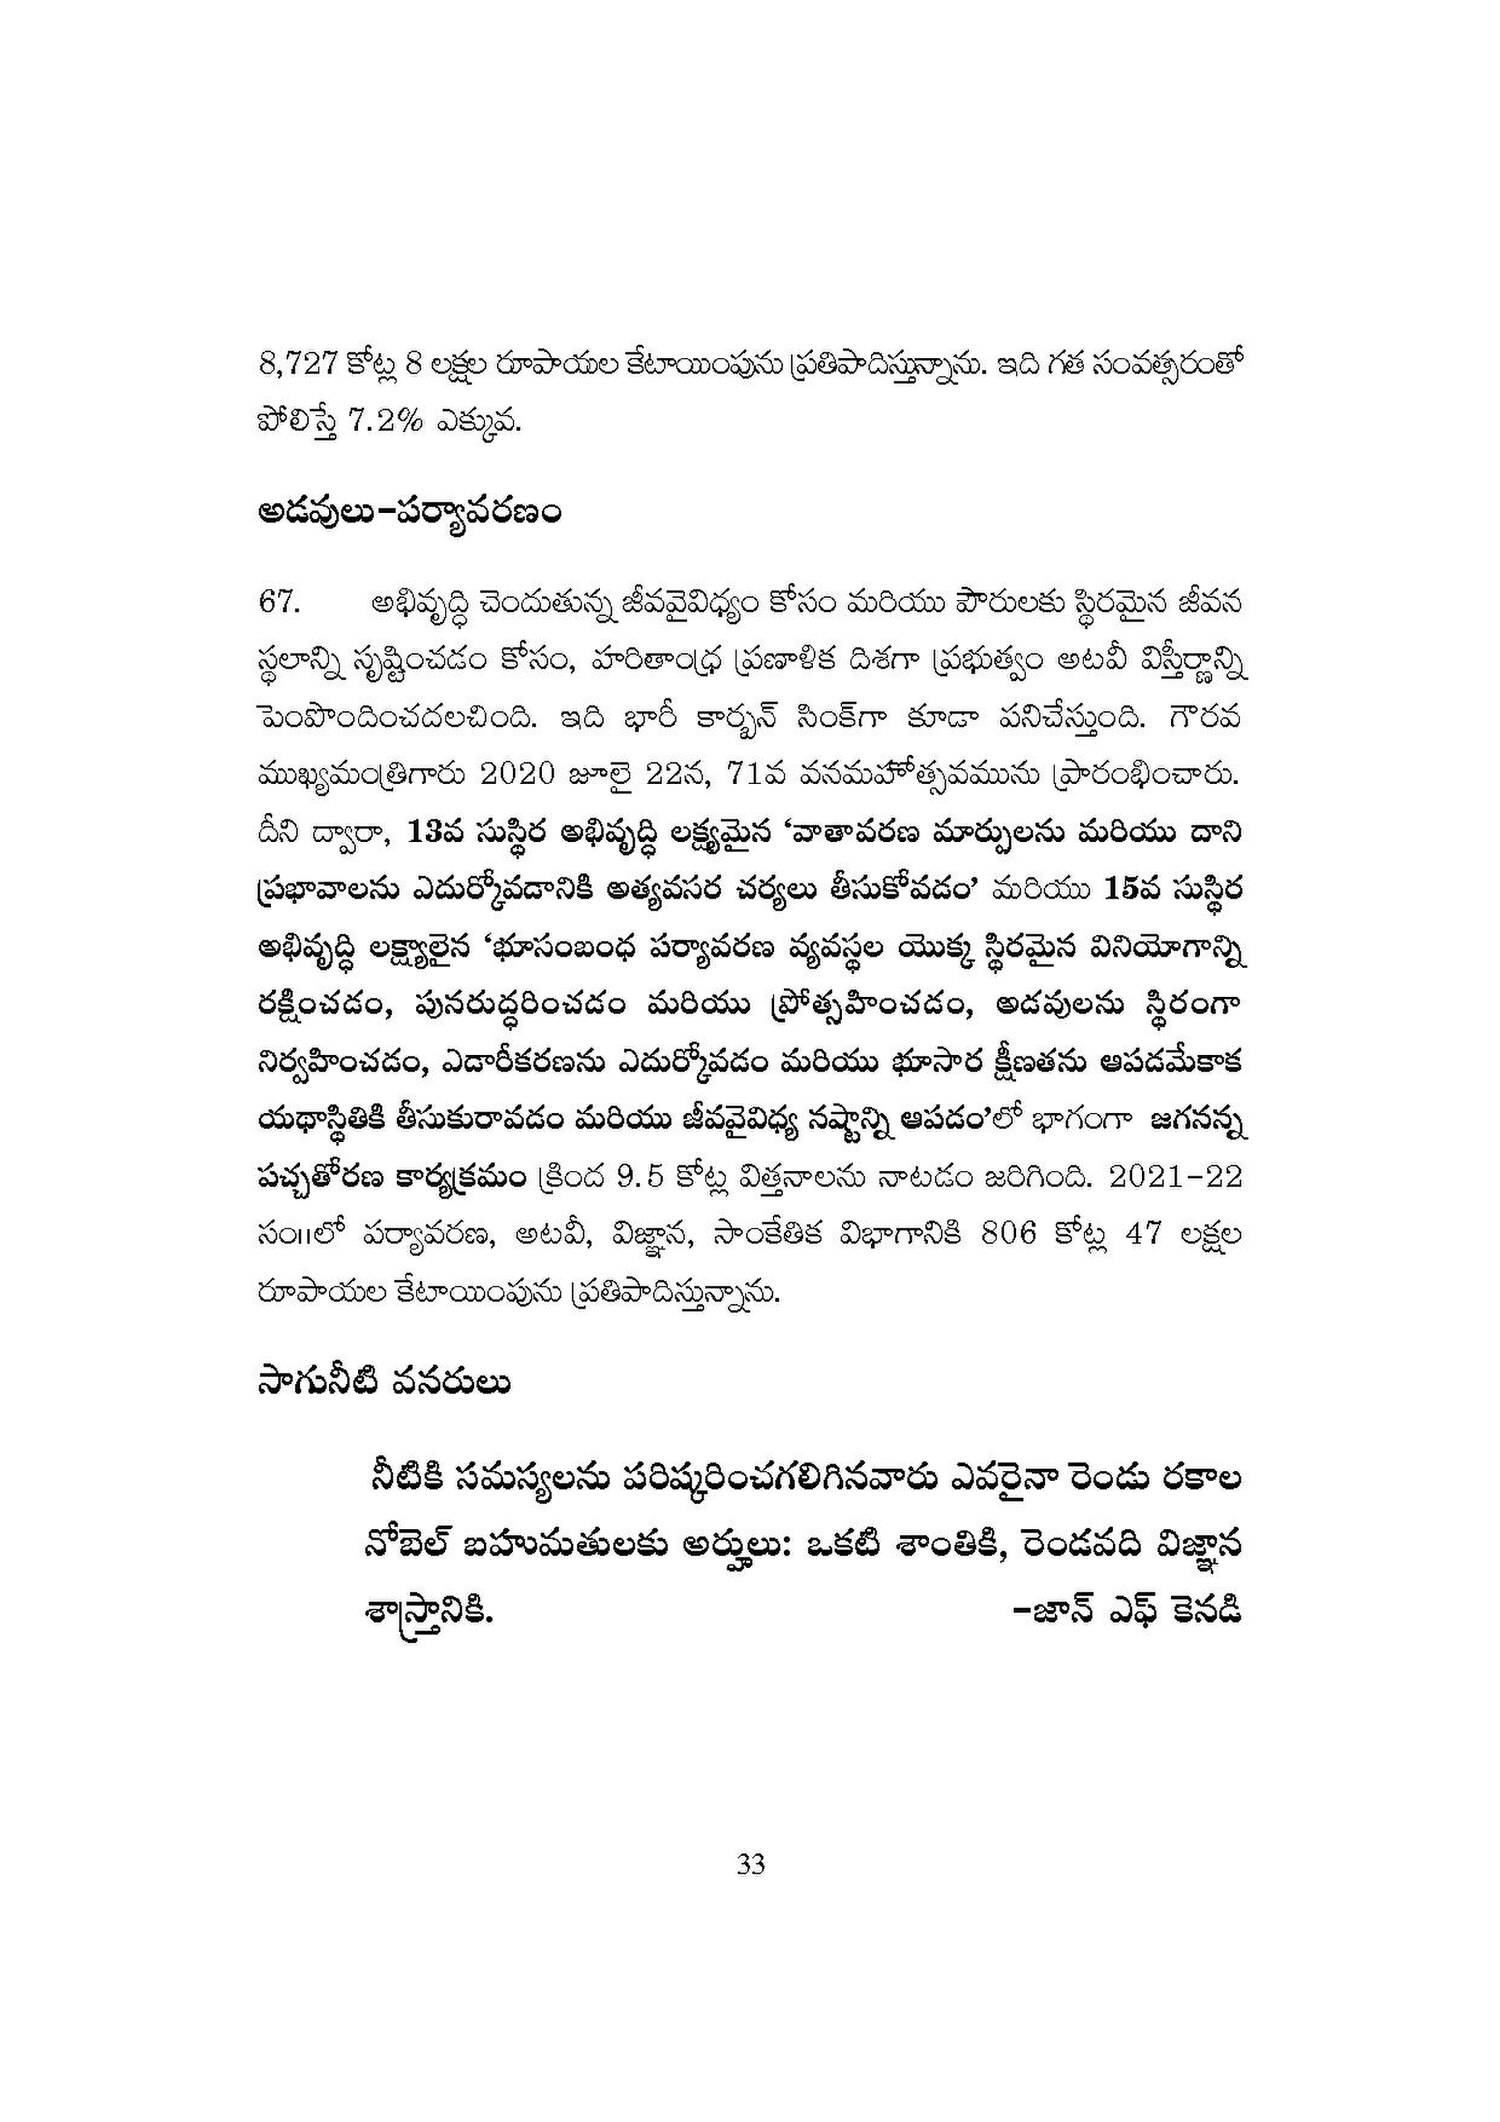8,727 కోట్ల 8 లక్షల రూపాయల కేటాయింపును ప్రతిపాదిస్తున్నాను. ఇది గత సంవత్సరంతో
పోలిస్తే 7.2% ఎక్కువ.

అడవులు-పర్యావరణం

67. అభివృద్ధి చెందుతున్న జీవవైవిధ్యం కోసం మరియు పౌరులకు స్థిరమైన జీవన
స్థలాన్ని సృష్టించడం కోసం, హరితాంధ్ర ప్రణాళిక దిశగా ప్రభుత్వం అటవీ విస్తీర్ణాన్ని
పెంపొందించదలచింది. ఇది భారీ కార్బన్ సింక్ గా కూడా పనిచేస్తుంది. గౌరవ
ముఖ్యమంత్రిగారు 2020 జూలై 22న, 71వ వనమహోత్సవమును ప్రారంభించారు.
ద్వారా, 13వ సుస్థిర అభివృద్ధి లక్ష్యమైన 'వాతావరణ మార్పులను మరియు దాని ప్రభావాలను ఎదుర్కోవడానికి అత్యవసర చర్యలు తీసుకోవడం' మరియు 15వ సుస్థిర అభివృద్ధి లక్ష్యాలైన 'భూసంబంధ పర్యావరణ వ్యవస్థల యొక్క స్థిరమైన వినియోగాన్ని రక్షించడం, పునరుద్ధరించడం మరియు ప్రోత్సహించడం, అడవులను స్థిరంగా నిర్వహించడం, ఎడారీకరణను ఎదుర్కోవడం మరియు భూసార క్షీణతను ఆపడమేకాక యథాస్థితికి తీసుకురావడం మరియు జీవవైవిధ్య నష్టాన్ని ఆపడం'లో భాగంగా జగనన్న
పచ్చతోరణ కార్యక్రమం క్రింద 9.5 కోట్ల విత్తనాలను నాటడం జరిగింది. 2021-22
సం॥లో పర్యావరణ, అటవీ, విజ్ఞాన, సాంకేతిక విభాగానికి 806 కోట్ల 47 లక్షల
రూపాయల కేటాయింపును ప్రతిపాదిస్తున్నాను.

సాగునీటి వనరులు